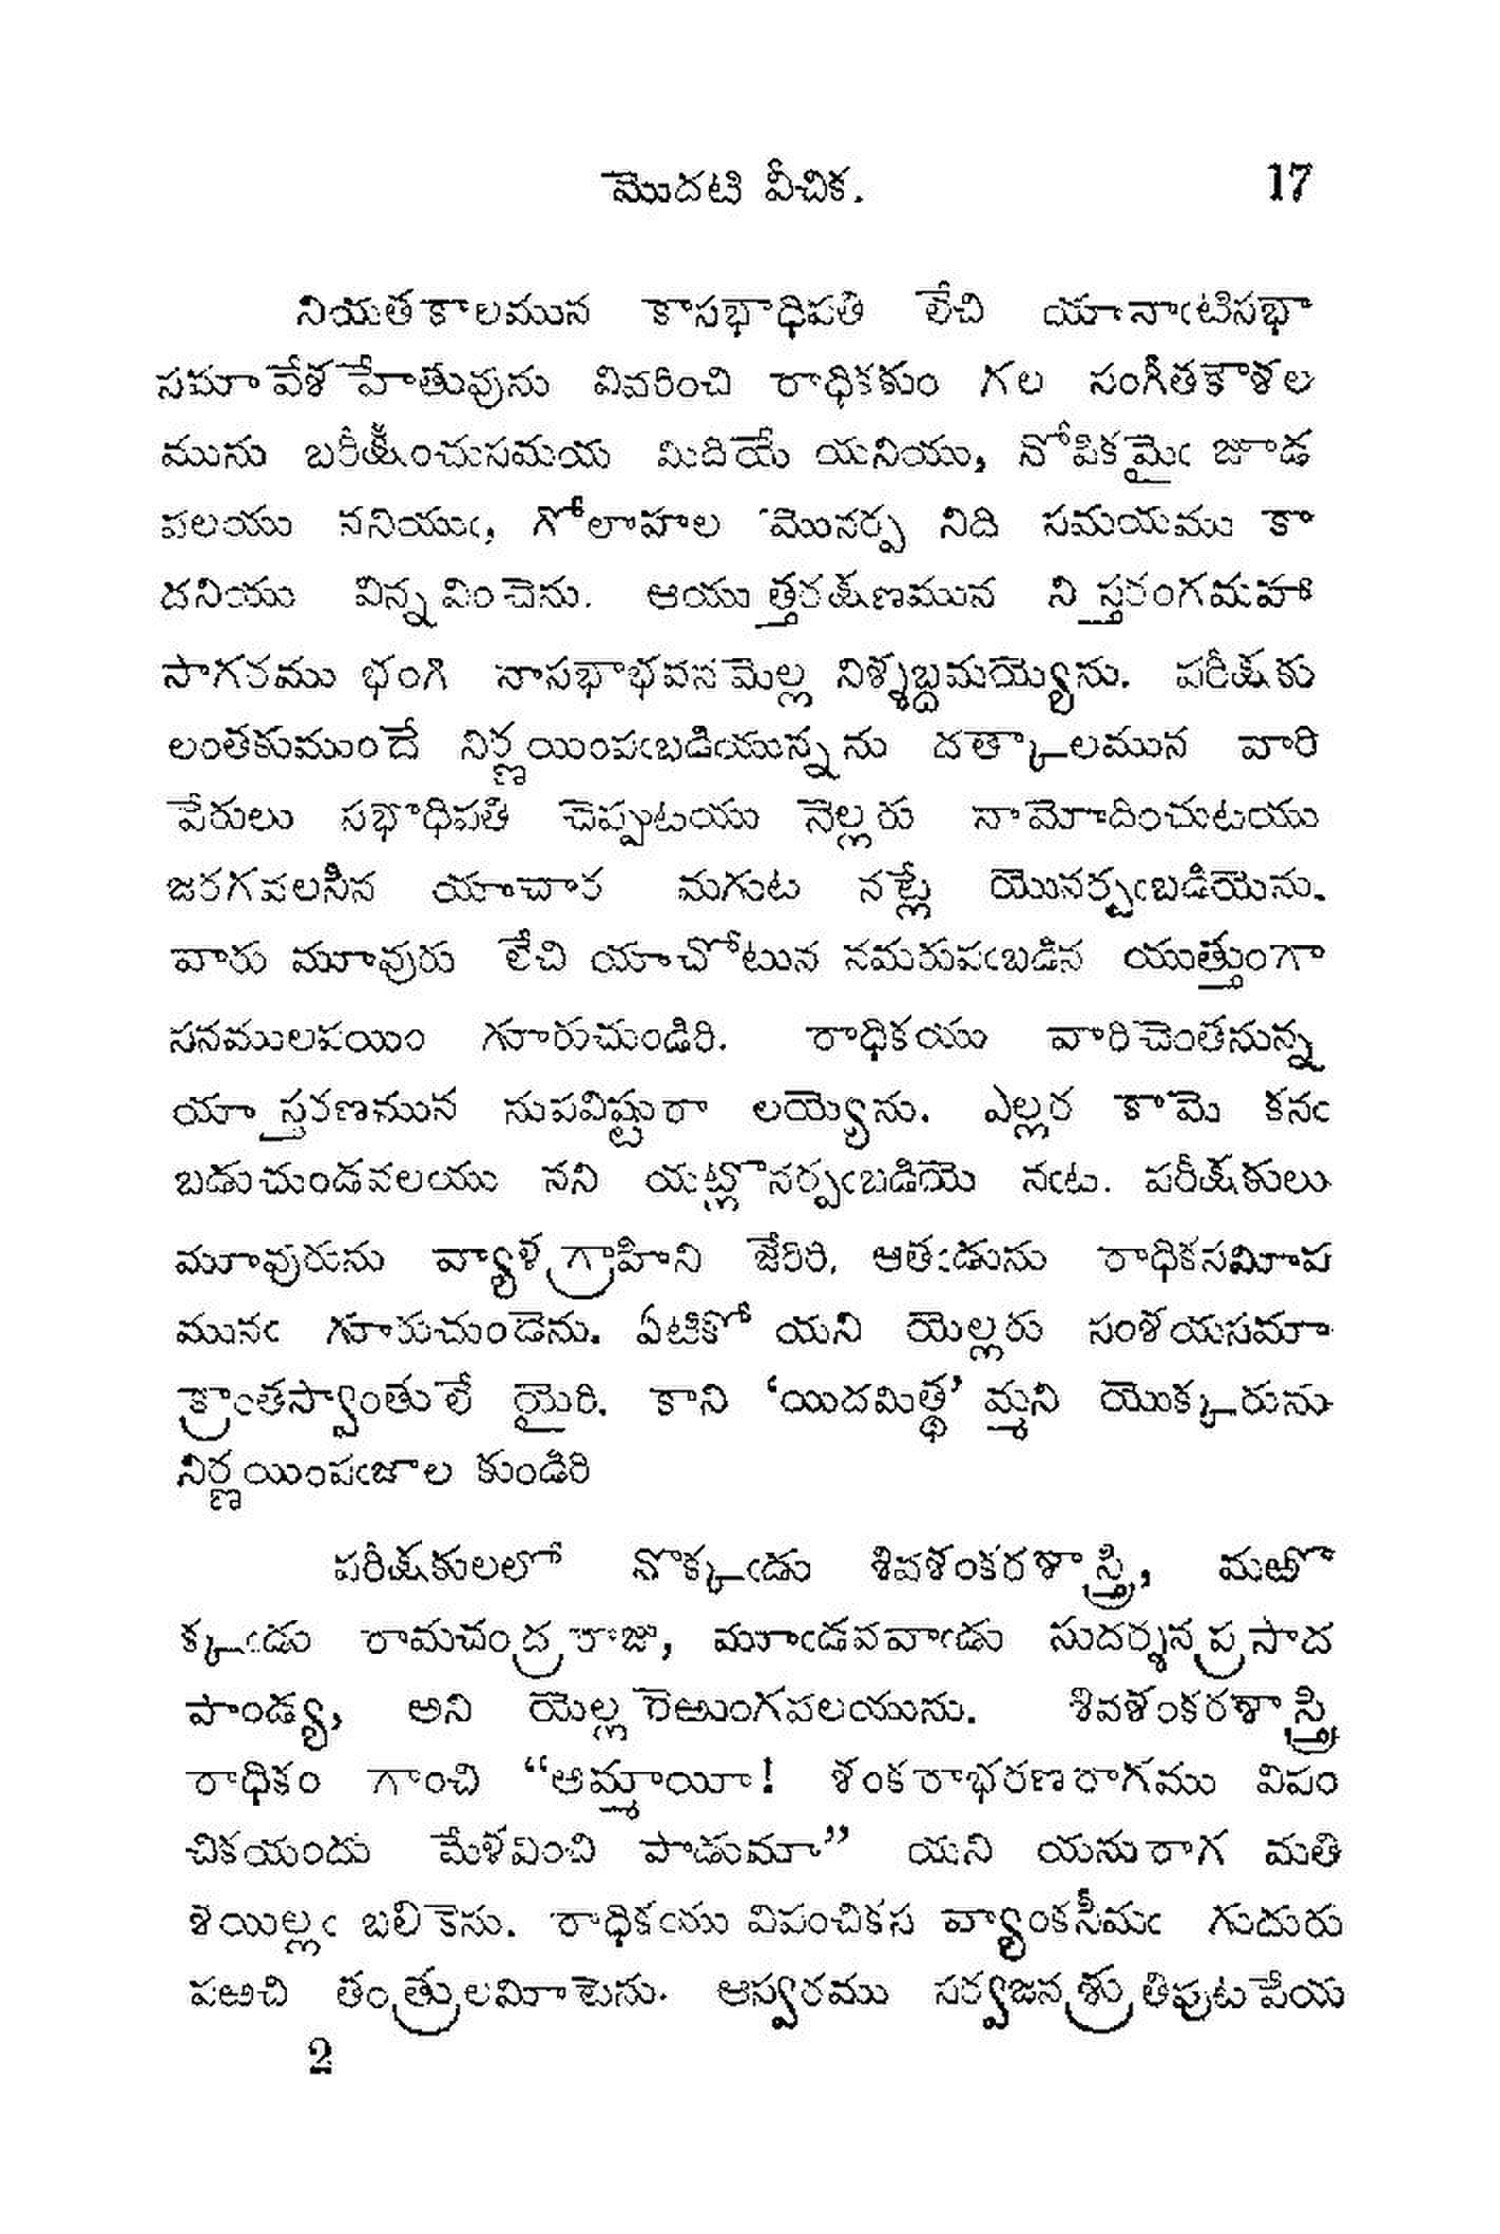నియత కాలమున కాసభాధిపతి లేచి యానాఁటిసభా సమావేశ హేతువును వివరించి రాధికకుం గల సంగీత కౌశలమును బరీక్షీంచుసమయ మిదియే యనియు, నోపికమైఁ జూడవలయు ననియుఁ, గోలాహల మొనర్ప ని ది సమయము కాదనియు విన్నవించెను. ఆయుత్తరక్షణమున నిస్తరంగమహా సాగరము భంగి నాసభాభవన మెల్ల నిశ్శబ్దమయ్యెను. పరీక్షకు లంతకుముందే నిర్ణయింపఁబడియున్నను దత్కాలమున వారి పేరులు సభాధిపతి చెప్పుటయు నెల్లరు నామోదించుటయు జరగవలసిన యాచార మగుట నట్లే యొనర్పఁబడియెను, వారు మూవురు లేచి యాచోటున నమరుపఁబడిన యుత్తుంగాసనముల పయిం గూరుచుండిరి. రాధికయు వారి చెంతనున్న యా స్తరణమున నుపవిష్టురా లయ్యెను. ఎల్లర కామె కనఁ బడుచుండవలయు నని యట్లోనర్పఁబడియె నఁట. పరీక్షకులు మూవురును వ్యాళ గ్రాహిని జేరిరి. ఆతఁడును రాధిక సమీప మునఁ గూరుచుండెను. ఏటికో యని యెల్లరు సంశయసమా క్రాంతస్వాంతులే యైరి. కాని 'యిదమిత్థ' మ్మని యొక్కరును నిర్ణయింపఁజాల కుండిరి.

పరీక్షకులలో నొక్కఁడు శివశంకరశాస్త్రి, మఱొక్కఁడు రామచంద్ర రాజు, మూఁడవవాడు సుదర్శన ప్రసాద
పాండ్య, అని యెల్ల రెఱుంగవలయును. శివశంకరశాస్త్రి రాధికం గాంచి “ఆమ్మాయీ! శంకరాభరణ రాగము విపంచికయందు మేళవించి పాడుమా" యని యను రాగ మతి శయిల్లఁ బలికెను. 'రాధికను విపంచికస వ్యాంక సీమఁ గుదురు పఱచి తంత్రులమీటెను. ఆస్వరము సర్వజనశ్రుతిపుటపేయ